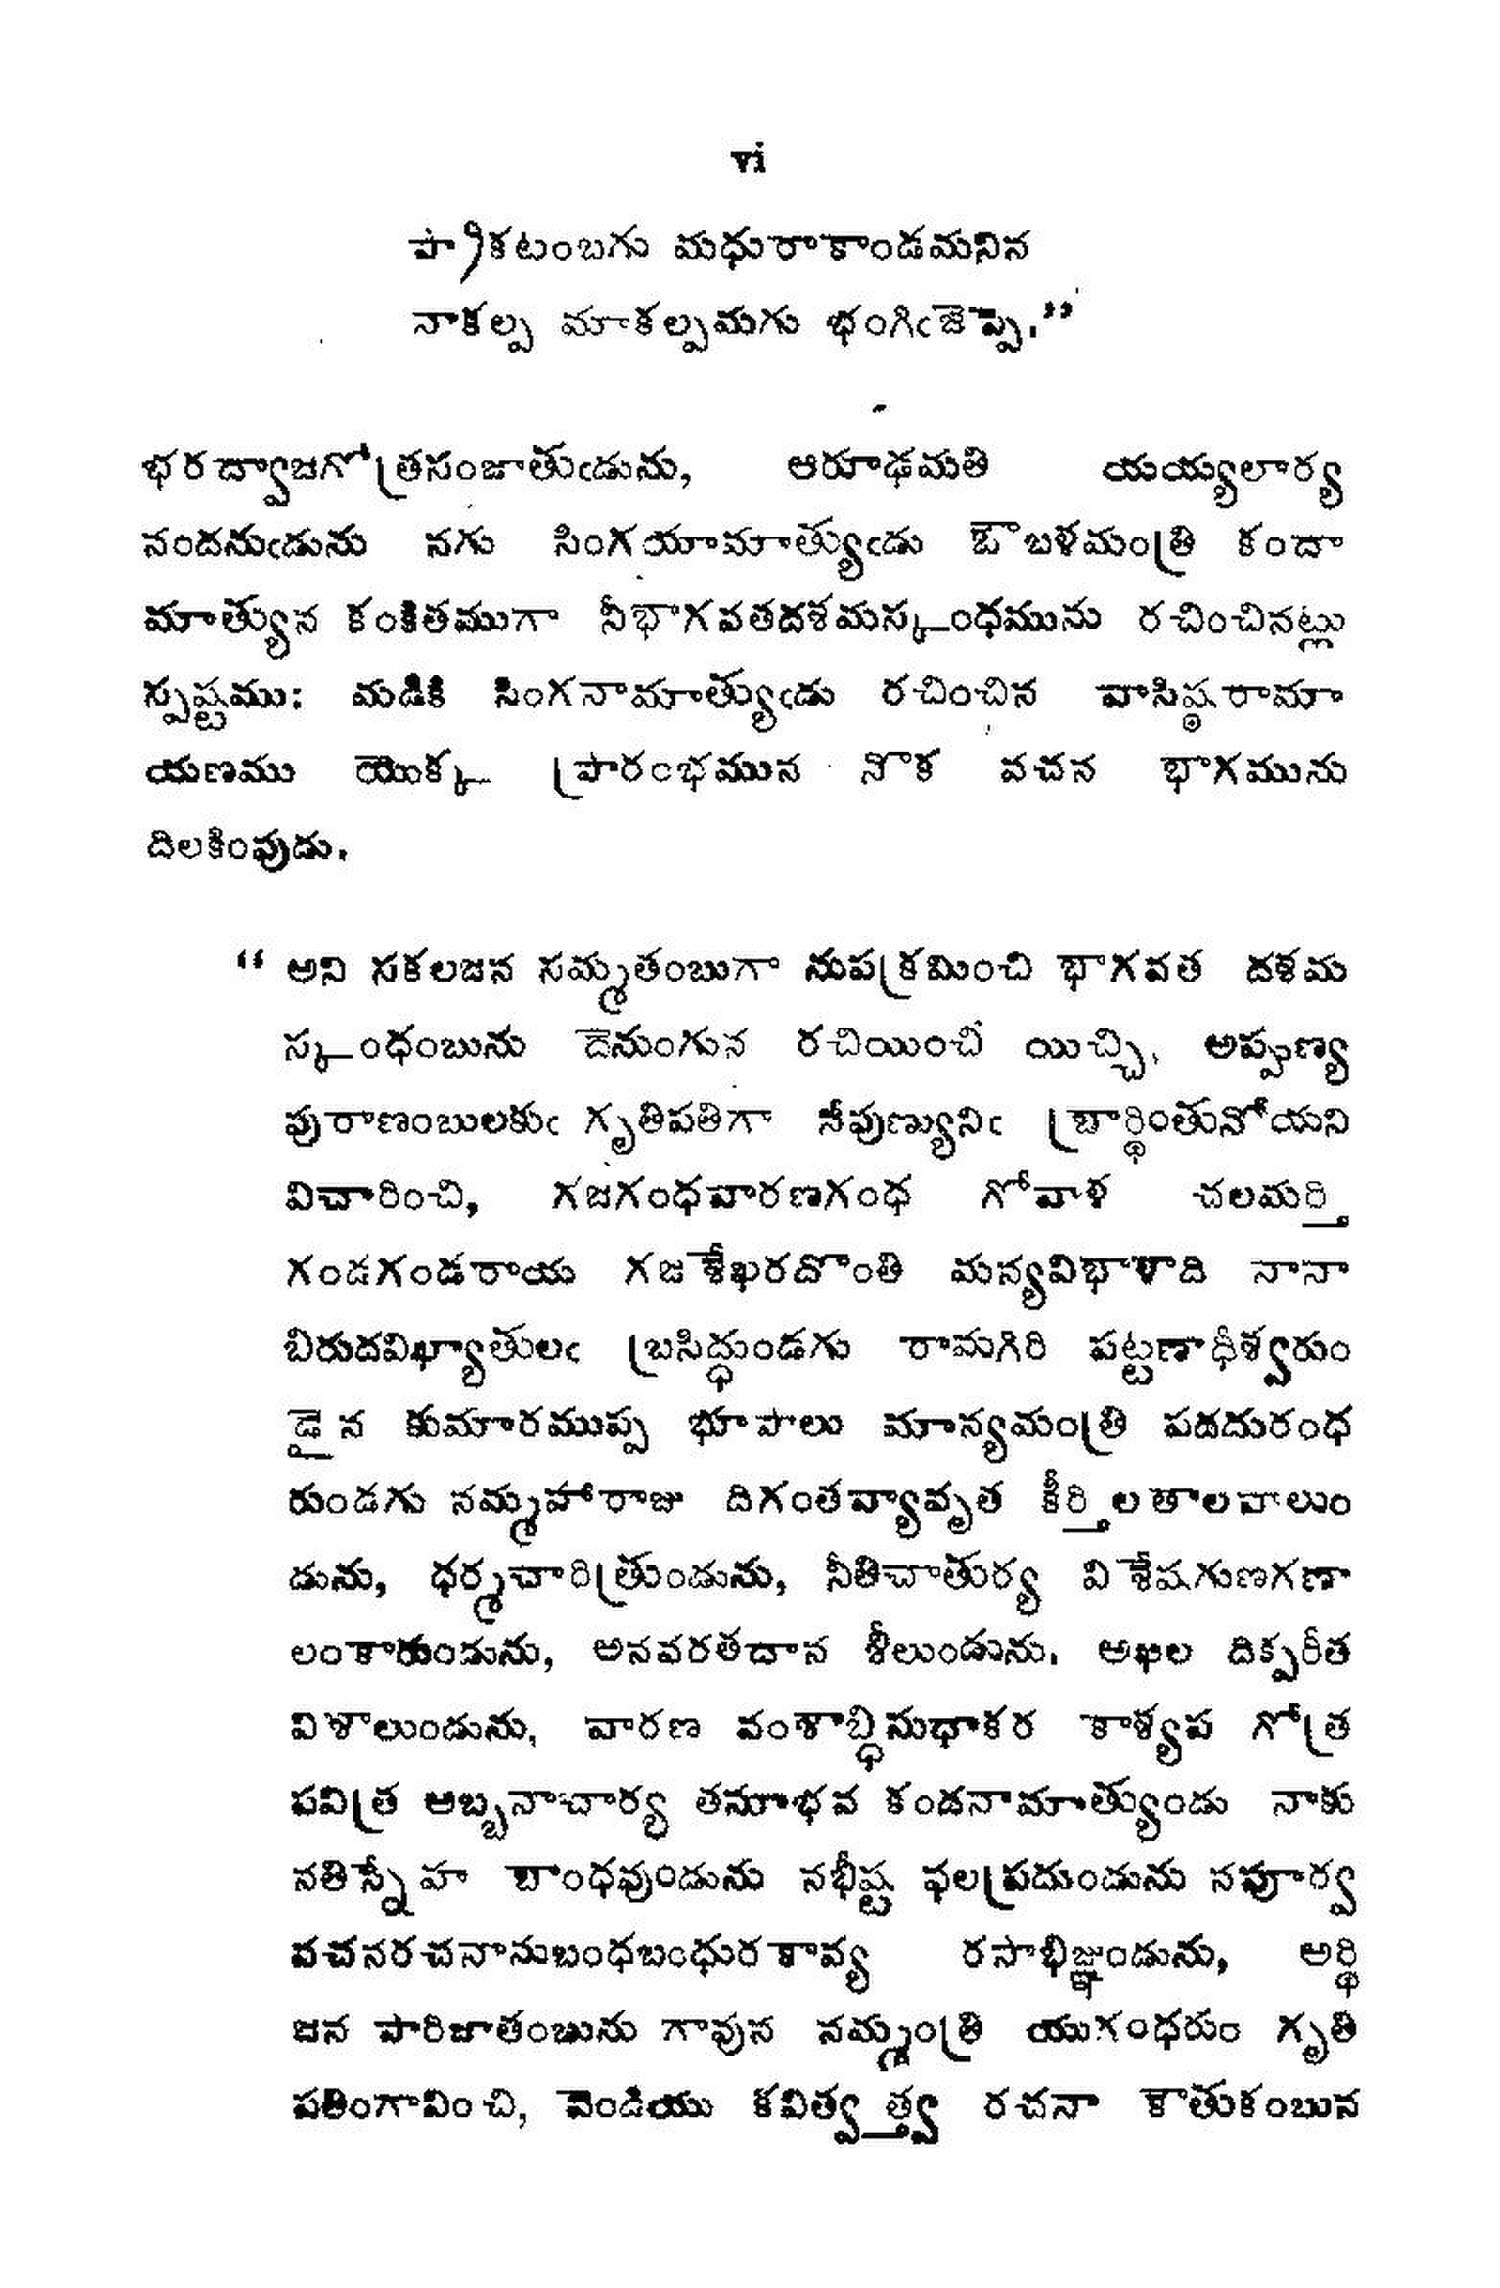భరద్వాజగోత్రసంజాతుఁడును, ఆరూఢమతి యయ్యలార్యనందనుఁడును నగు సింగయామాత్యుఁడు ఔబళమంత్రి కందామాత్యున కంకితముగా నీభాగవతదశమస్కంధమును రచించినట్లు స్పష్టము: మడికి సింగనామాత్యుఁడు రచించిన వాసిష్ఠరామాయణము యొక్క ప్రారంభమున నొక వచన భాగమును దిలకింపుడు.
“అని సకలజన సమ్మతంబుగా నుపక్రమించి భాగవత దశమస్కంధంబును దెనుంగున రచియించి యిచ్చి, అప్పుణ్యపురాణంబులకుఁ గృతిపతిగా నేపుణ్యునిఁ బ్రార్ధింతునో యని విచారించి, గజగంధవారణగంధ గోవాళ చలమర్తి గండగండరాయ గజశేఖరదొంతి మన్యవిభాళాది నానాబిరుదవిఖ్యాతులఁ బ్రసిద్ధుండగు రామగిరి పట్టణాధీశ్వరుండైన కుమారముప్ప భూపాలు మాన్యమంత్రి పదదురంధురుండగు నమ్మహారాజు దిగంతవ్యావృతకీర్తిలతాలవాలుండును, ధర్మచారిత్రుండును, నీతిచాతుర్య విశేషగుణగణాలంకారుండును, అనవరతదానశీలుండును, అఖిలదిక్పరీతవిశాలుండును, వారణ వంశాబ్ధిసుధాకర కాశ్యపగోత్రపవిత్ర అబ్బనాచార్య తనూభవ కందనామాత్యుండు నాకు నతిస్నేహ బాంధవుండును నభీష్ట ఫలప్రదుండును నపూర్వవచనరచనానుబంధురకావ్య రసాభిజ్ఞుండును, అర్థిజన పారిజాతంబును గావున నమ్మంత్రి యుగంధరుం గృతిపతింగావించి, వెండియు కవిత్వత్త్వ రచనా కౌతుకంబున